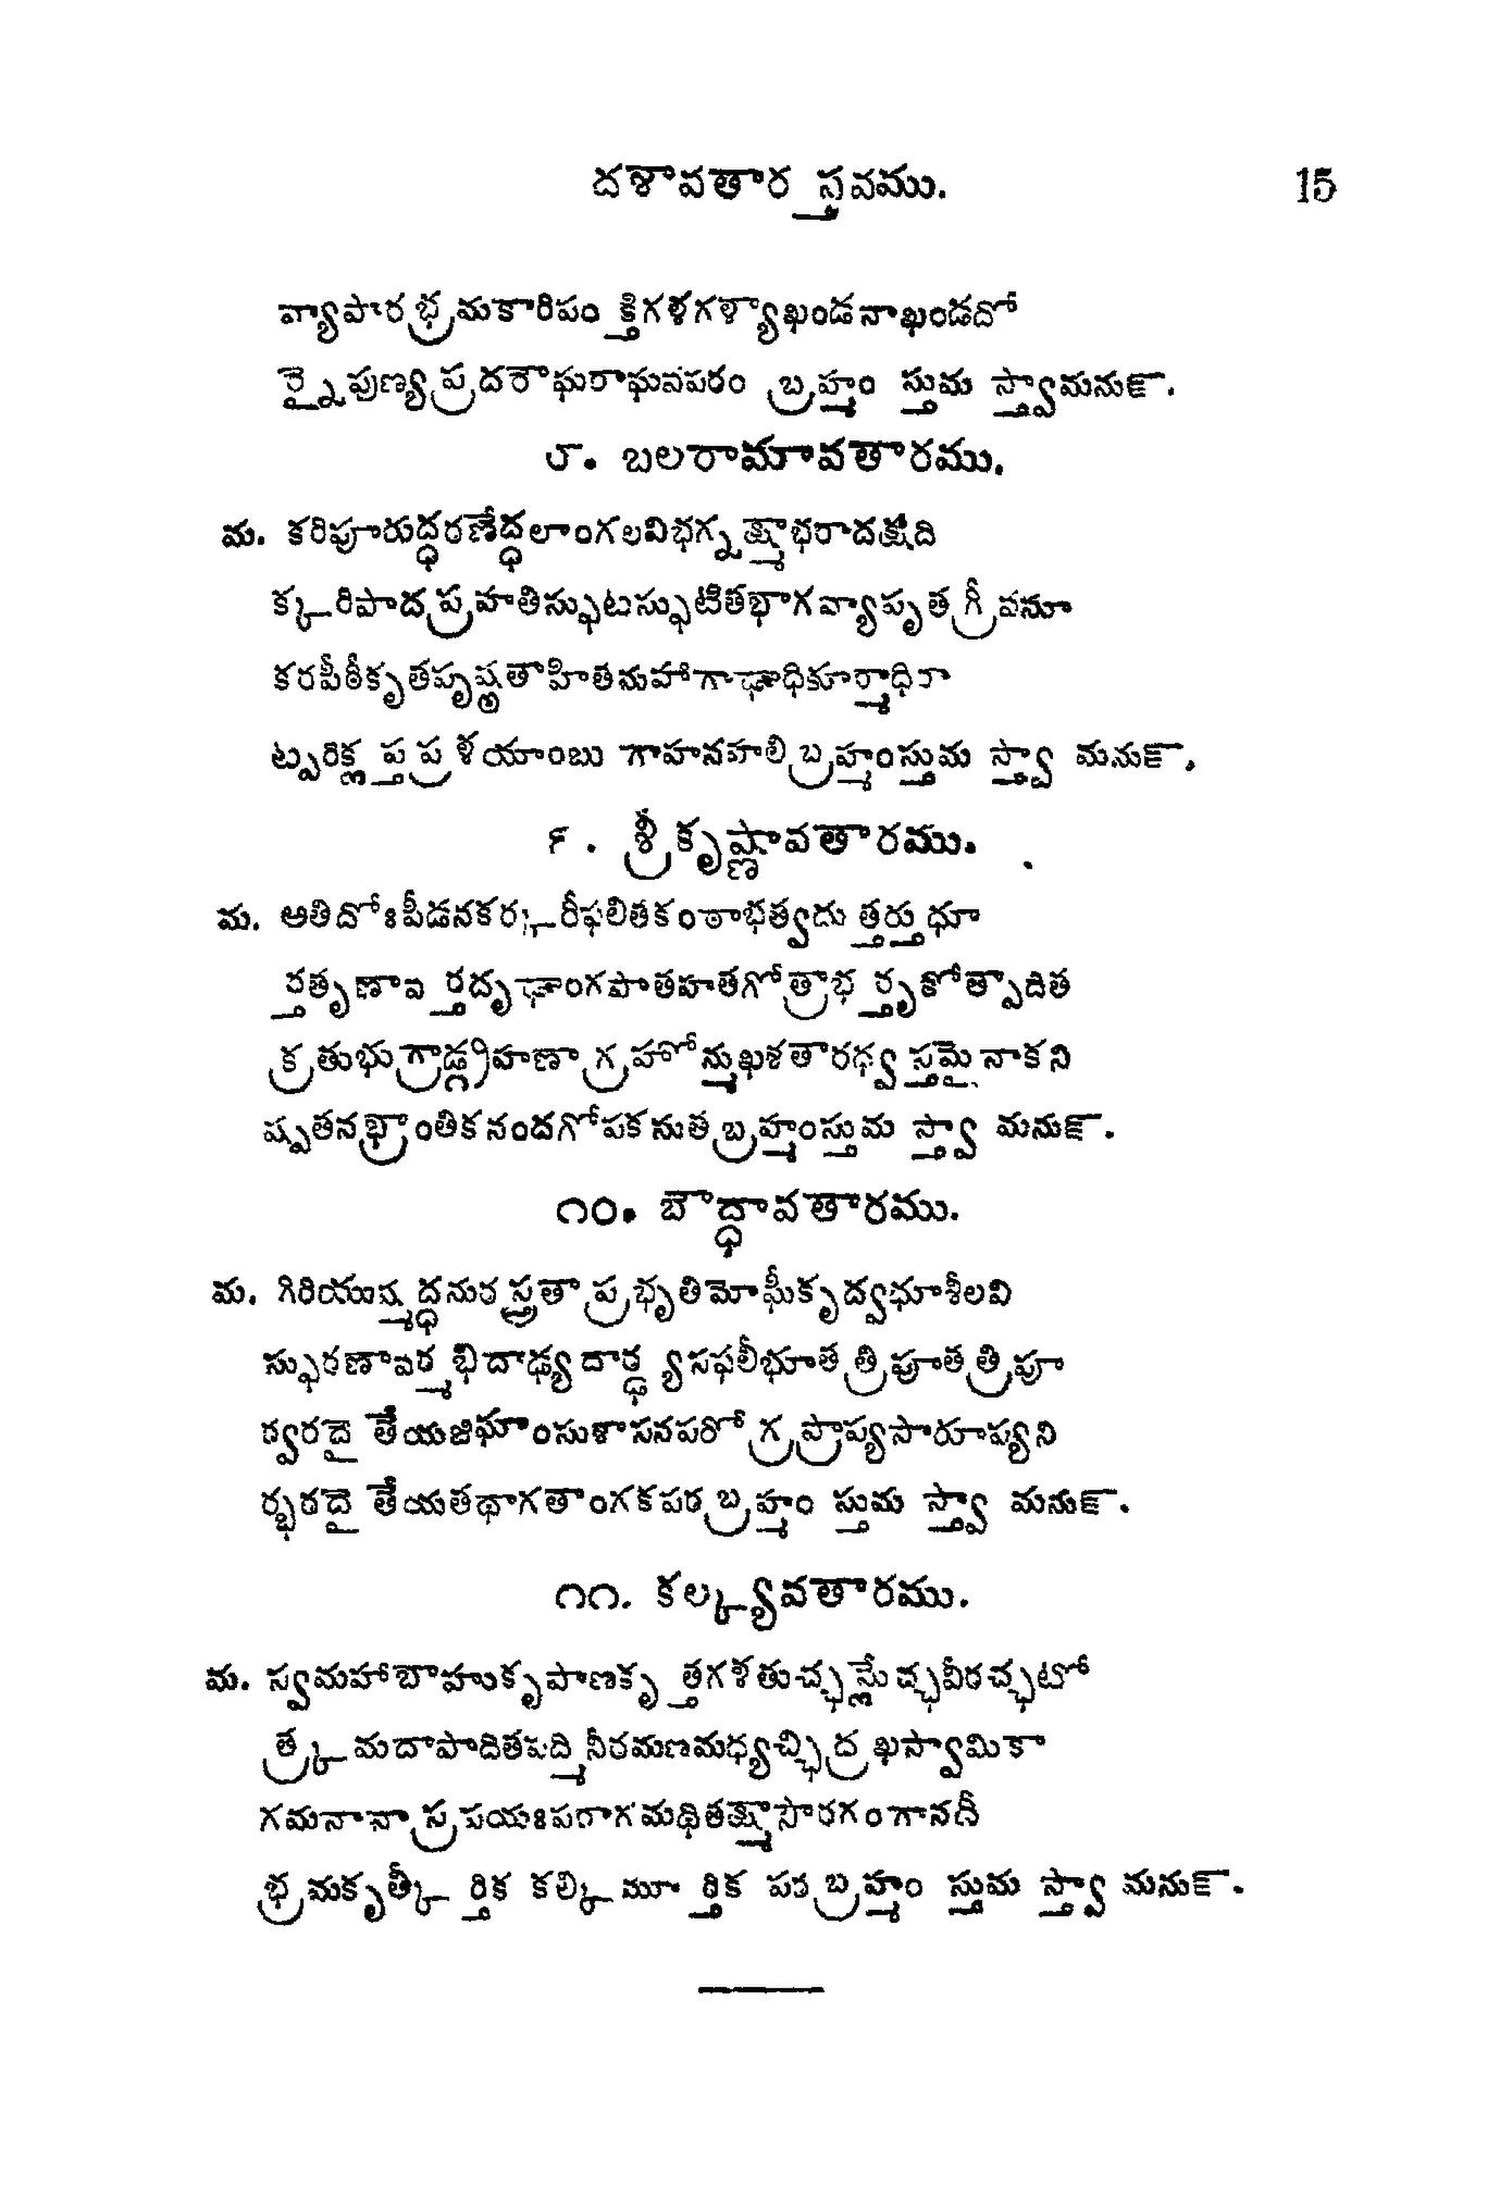వ్యాపార భ్రమకారి పంక్తిగళగళ్యాఖండనాఖండదో
 ర్నైపుణ్యప్రదరౌఘరాఘవపరం బ్రహ్మం స్తుమ స్త్వా మనున్.

మ. కరిపూరుద్దరణేద్దలాంగలవిభగ్న క్ష్మాభరాదక్షది
 క్కరిపాద ప్రహతిస్పుట స్ఫుటితభాగవ్యావృత గ్రీవసూ
 కరపీరీకృత పృష్ణతాహిత మహాగాధాధి కూర్మాధిరా
 ట్పరిక్లుప్తప్రళయాంబుగాహనహలిబ్రహ్మం స్తుమ స్త్వా మనున్.

మ. అతిదోఃపీడిన కర్కరీ ఫలితకంరాభత్పదుత్తర్తుధూ
 ర్తతృణావర్త దృఢాంగపాతహత గోత్రా భర్తృకోత్పాదిత
 క్రతుభుగ్రాడ్గ్రహణాగ్రహోన్ముఖశతారధ్వస్తమైనాకని
 ష్పతన భ్రాంతినందగోపకసుత బ్రహ్మస్తుమ స్త్వా మనున్.

మ. గిరియుష్మద్ధనురస్త్రతాప్రభృతిమోఘీకృద్వధూశీలవి
 స్ఫురణావర్మభి దాఢ్యదార్ఢ్యసఫలీ భూతత్రిపూతత్రపూ
 ర్వరదైతేయజిఘాంసు శాసనపరోగ్ర ప్రాప్యసారూప్యని
 ర్భరదైతేయతథాగతాంగక పరబ్రహ్మం స్తుమ స్త్వా మనున్.

మ. స్వమహాబాహు కృపాణకృత్త గళతుచ్ఛమ్లేచ్ఛవీరచ్ఛటో
 త్క్రమదాపాదితపద్మినీరమణ మధ్యచ్ఛిద్రఖస్వామికా
 గమనానాస్రపయఃపరాగ మథితక్ష్మాసౌర గంగానదీ
 భృమకృత్కీర్తిక కల్కిమూర్తిక పరబ్రహ్మం స్తుమ స్త్వా మనున్.